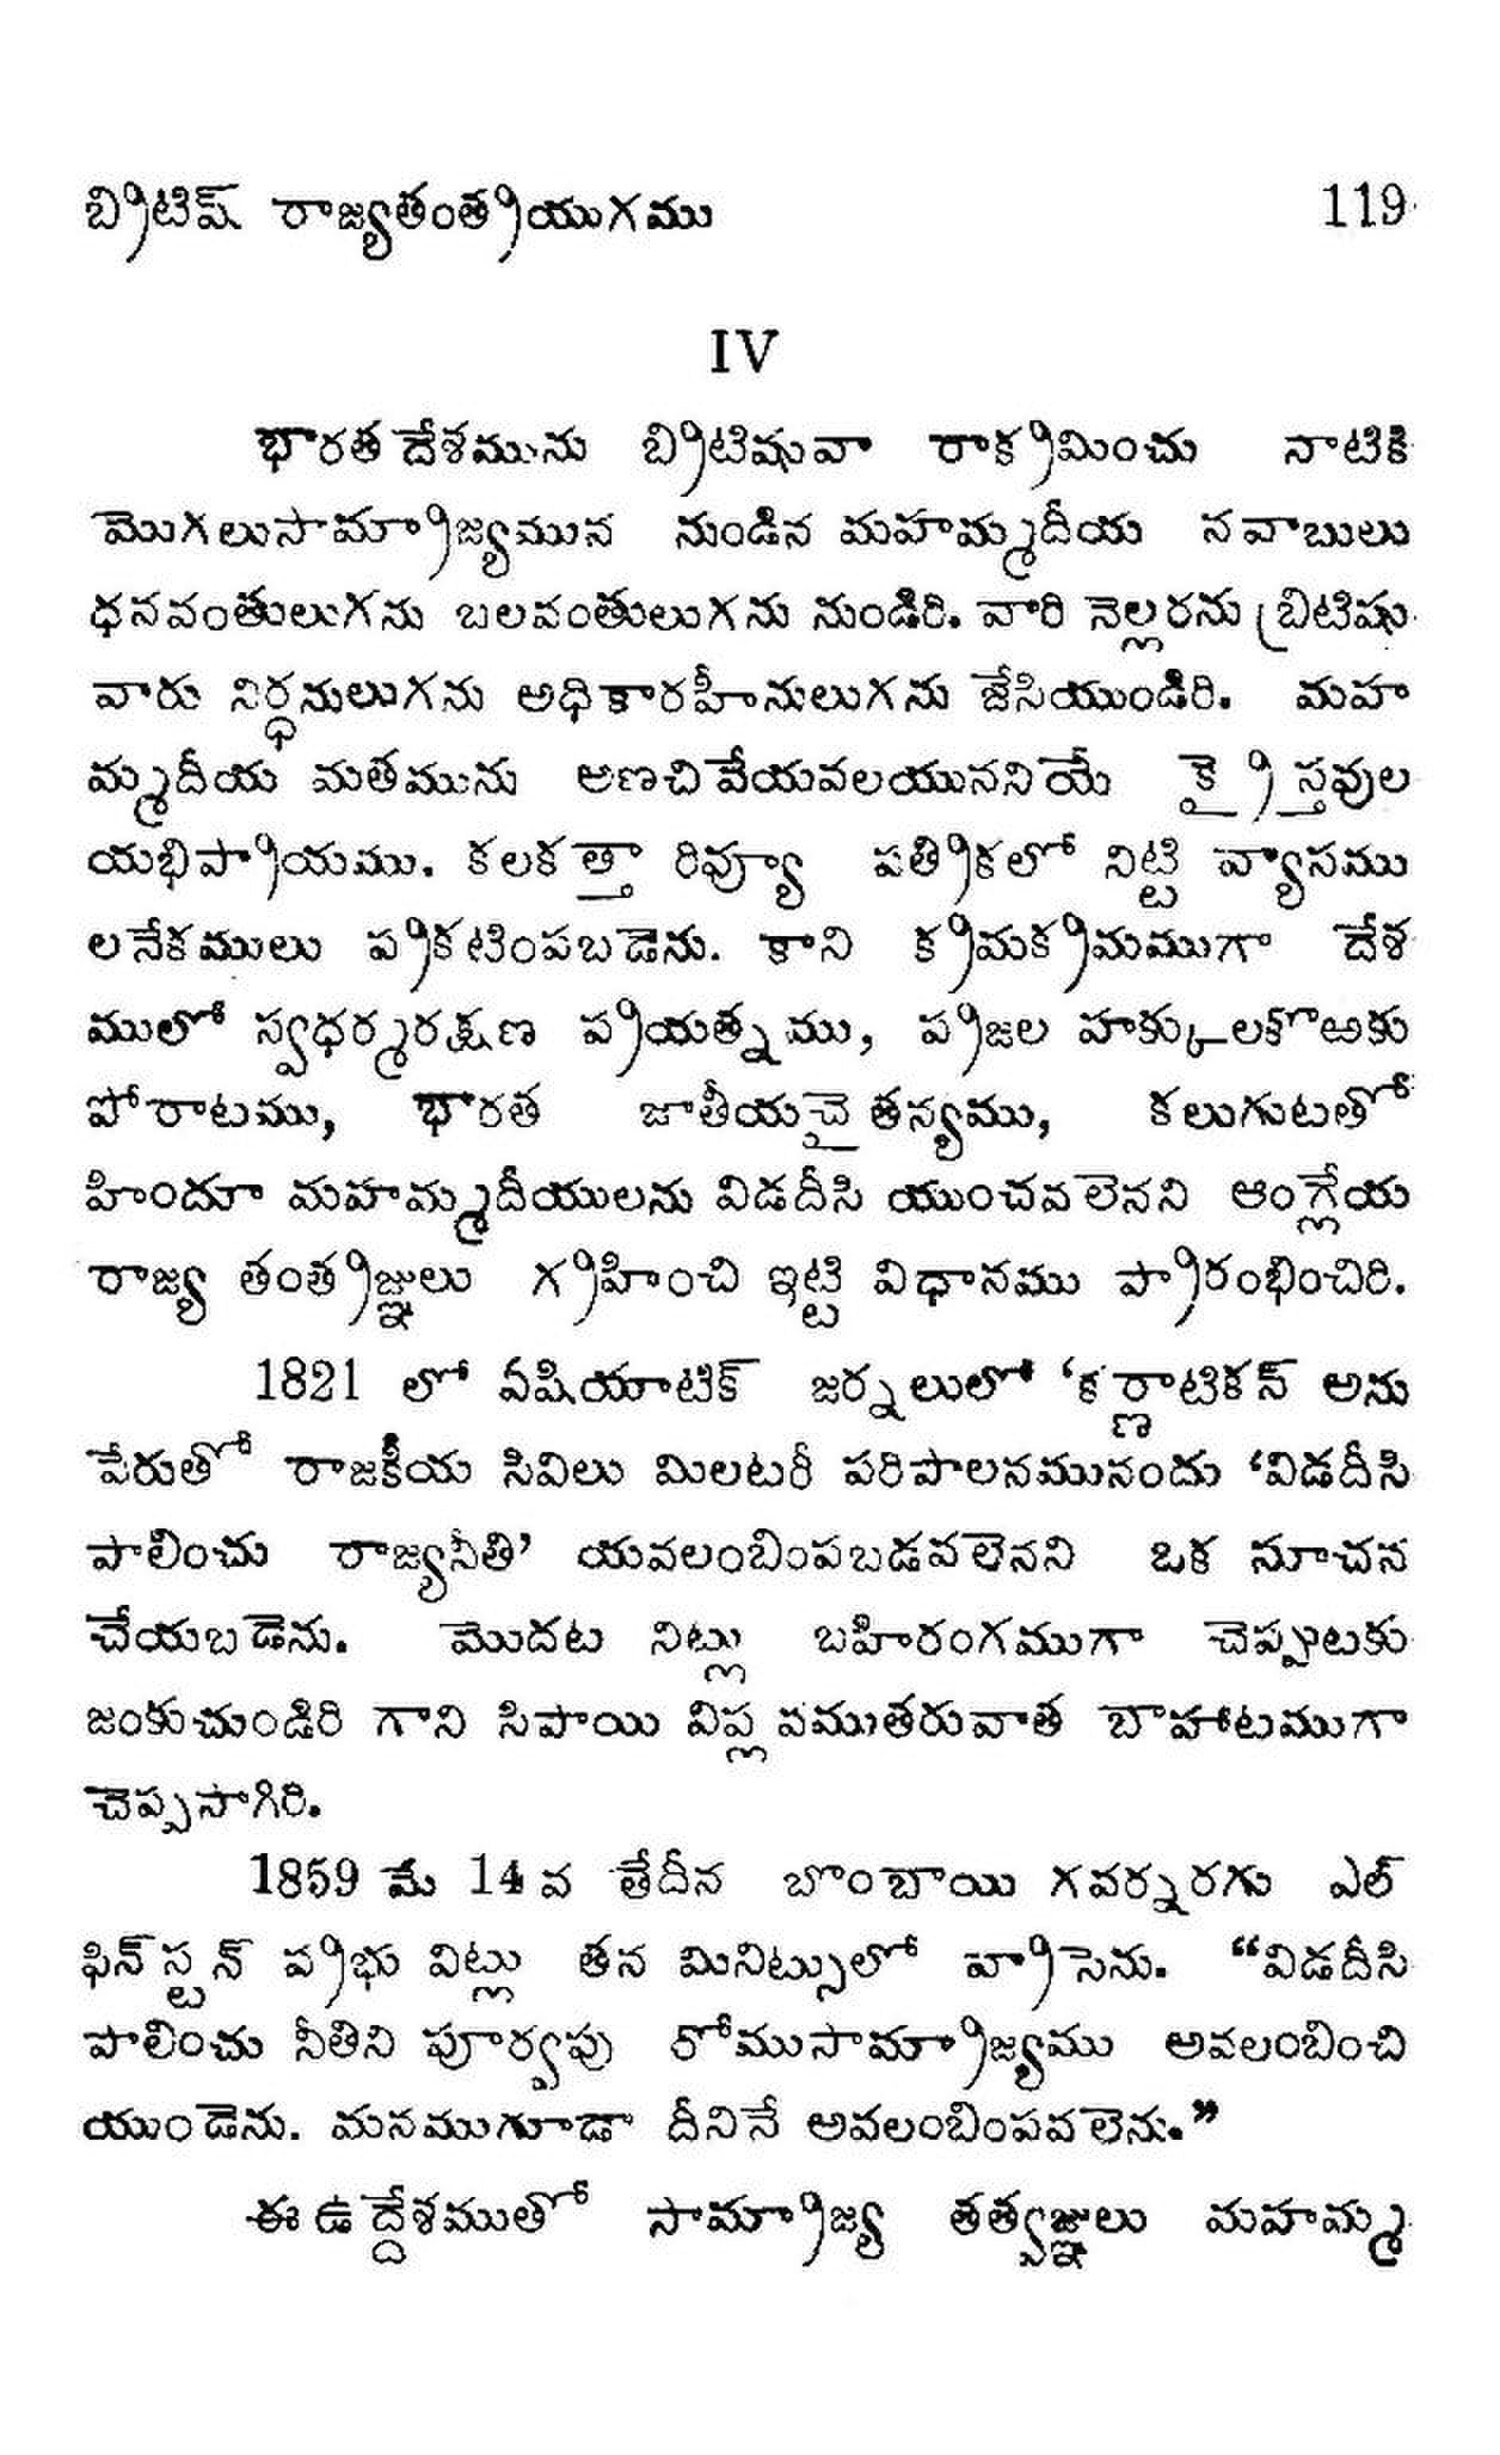IV 

భారతదేశమును బ్రిటిషువా రాక్రమించు నాటికి మొగలుసామ్రాజ్యమున నుండిన మహమ్మదీయ నవాబులు ధనవంతులుగను బలవంతులుగను నుండిరి. వారి నెల్లరను బ్రిటిషువారు నిర్ధనులుగను అధికారహీనులుగను జేసియుండిరి. మహమ్మదీయ మతమును అణచివేయవలయుననియే క్రైస్తవుల యభిప్రాయము, కలకత్తా రివ్యూ పత్రికలో నిట్టి వ్యాసము లనేకములు ప్రకటింపబడెను. కాని క్రమక్రమముగా దేశములో స్వధర్మరక్షణ ప్రయత్నము, ప్రజల హక్కులకొఱకు పోరాటము, భారత జాతీయచైతన్యము, కలుగుటతో హిందూ మహమ్మదీయులను విడదీసి యుంచవలెనని ఆంగ్లేయరాజ్య తంత్రజ్ఞులు గ్రహించి ఇట్టి విధానము ప్రారంభించిరి.

1821 లో ఏషియాటిక్ జర్నలులో 'కర్ణాటికన్‌' అనుపేరుతో రాజకీయ సివిలు మిలటరీ పరిపాలనమునందు 'విడదీసి పాలించు రాజ్యనీతి’ యవలంబింపబడవలెనని ఒక సూచన చేయబడెను. మొదట నిట్లు బహిరంగముగా చెప్పుటకు జంకుచుండిరి గాని సిపాయి విప్లవముతరువాత బాహాటముగా చెప్పసాగిరి.

1859 మే 14 వ తేదీన బొంబాయి గవర్నరగు ఎల్‌ఫిన్‌స్టన్ ప్రభు విట్లు తన మినిట్సులో వ్రాసెను. “విడదీసి పాలించు నీతిని పూర్వపు రోముసామ్రాజ్యము అవలంబించి యుండెను. మనముగూడా దీనినే అవలంబింపవలెను."

ఈఉద్దేశముతో సామ్రాజ్య తత్వజ్ఞులు మహమ్మ